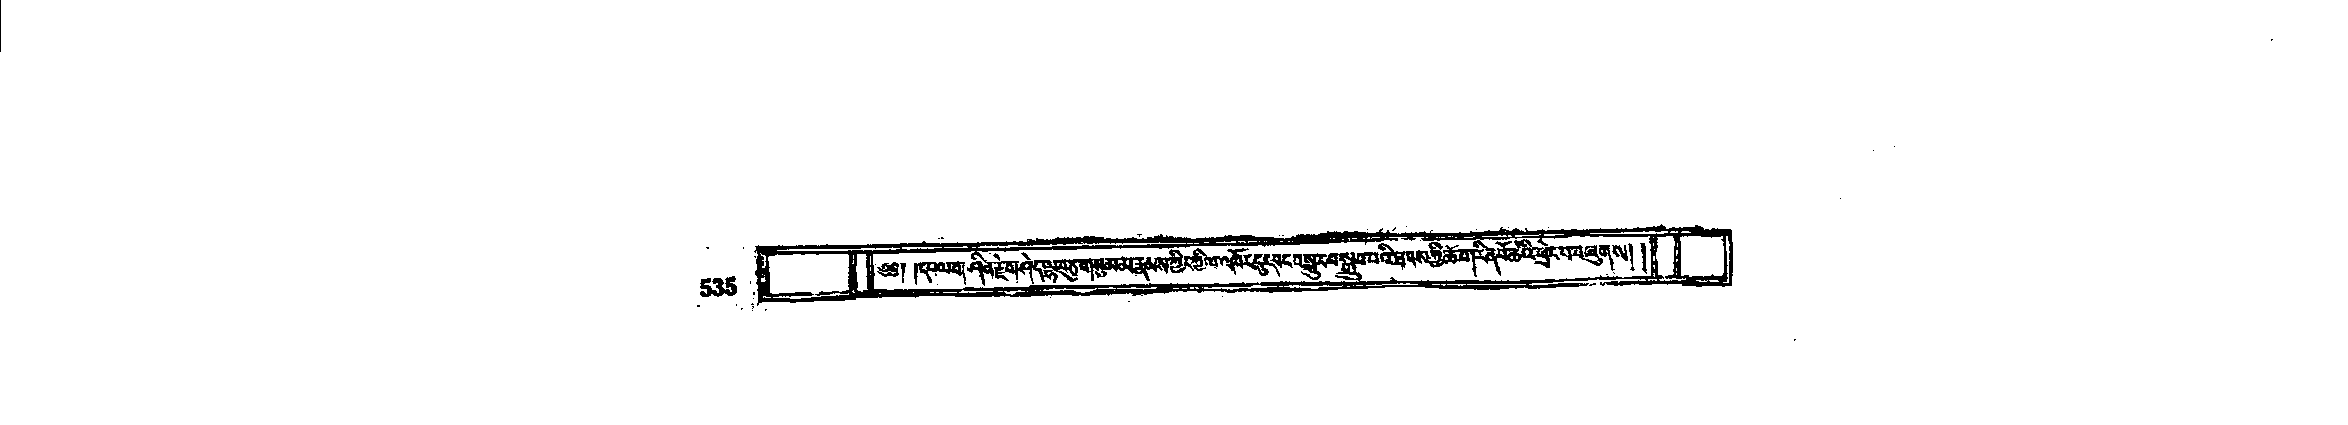༄༅། །དཔལ་གཤིན་རྗེ་གཤེད་ལྷ་བཅུ་གསུམ་མ་རྣམས་ཀྱི་དཀྱིལ་འཁོར་དུ་དབང་བསྐུར་བ་སྒྲུབ་པའི་ཐབས་ཀྱི་ཆོ་ག་རིན་པོ་ཆེའི་ཕྲེང་བ་བཞུགས། །